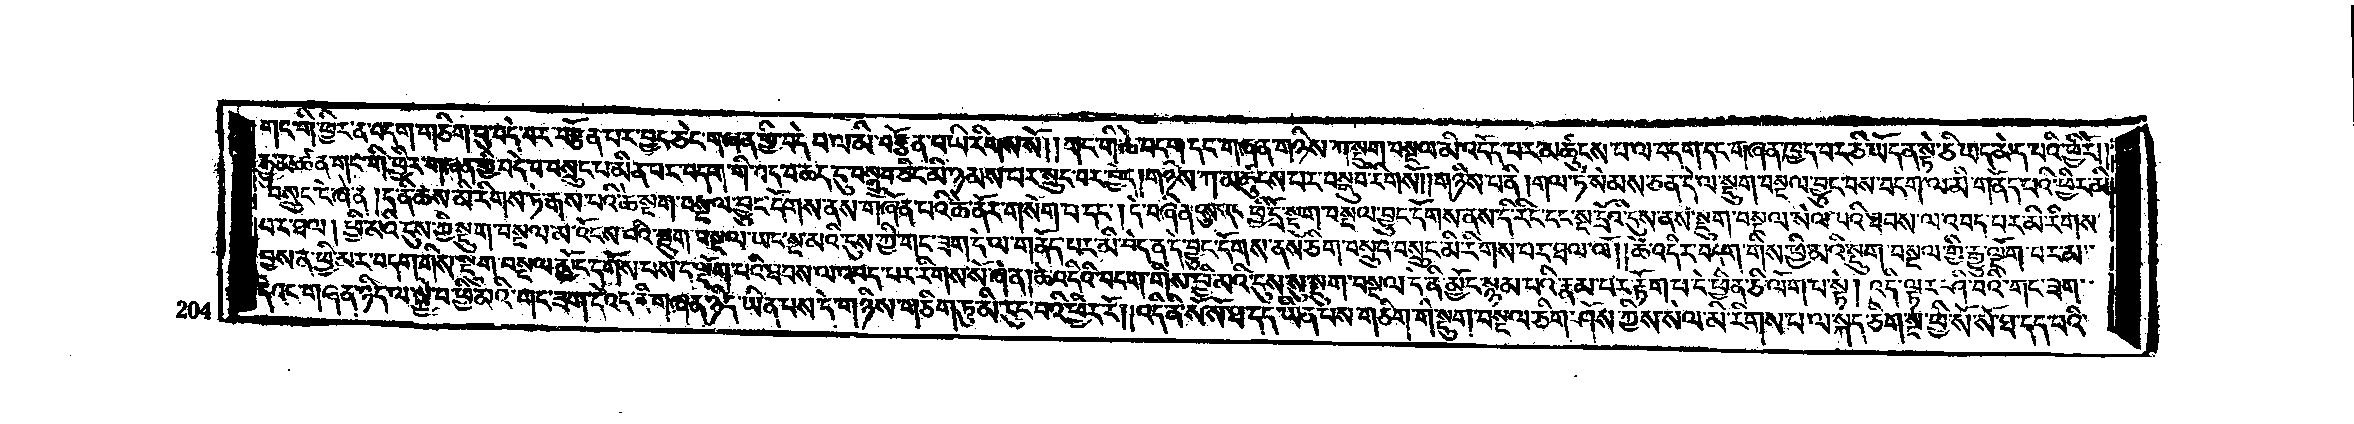གང་གི་ཕྱིར་ན་བདག་གཅིག་བུ་བདེ་བར་བརྩོན་པར་བྱང་ཅེང་གཞན་གྱི་བདེ་བ་ལ་མི་བརྩོན་པ་ཡི་རིགས་སོ། །གང་གི་ཚེ་བདག་དང་གཞན་གཉིས་ཀ་སྡུག་བསྔལ་མི་འདོད་པར་མཚུངས་པ་ལ་བདག་དང་གཞན་ཁྱད་པར་ཅི་ཡོད་ན་སྟེ་ཅི་ཡང་མེད་པའི་ཕྱིར་རོ། །
རྒྱུ་མཚན་གང་གི་ཕྱིར་གཞན་གྱི་བདེ་བ་བསྲུང་བ་མིན་པར་བདག་གི་བདེ་བ་ཆད་དུ་བསྒྲུབ་ཅིང་མི་ཉམས་པར་སྲུང་བར་བྱེད། གཉིས་ཀ་མཚུངས་པར་བསྒྲུབ་རིགས་སོ། །གཉིས་པ་ནི། གལ་ཏེ་སེམས་ཅན་དེ་ལ་སྡུག་བསྔལ་བྱུང་བས་བདག་ལ་མི་གནོད་པའི་ཕྱིར་མི་
བསྲུང་དེ་ཞེ་ན། ད་ནི་ཆོས་མི་རིགས་ཏེ་རྒས་པའི་ཆེ་སྡུག་བསྔལ་བྱུང་དོགས་ནས་གཞོན་པའི་ཆེ་ནོར་གསོག་པ་དང་། དེ་བཞིན་དུས་དང་ཕྱི་དྲོ་སྡུག་བསྔལ་བྱུང་དོགས་ནས་དི་རིང་དང་སྔ་དྲོའི་དུས་ནས་སྡུག་བསྔལ་སེལ་བའི་ཐབས་ལ་འབད་པར་མི་རིགས་
པར་ཐལ། །ཕྱི་མའི་དུས་ཀྱི་སྡུག་བསྔལ་མ་འོངས་པའི་སྡུག་བསྔལ་ཡང་སྔ་མའི་དུས་ཀྱི་གང་ཟག་དེ་ལ་གནོད་པར་མི་བདེ་ན་དེ་བྱུང་དོགས་ནས་ཅིག་བསྲུང་བསྲུང་མི་རིས་པར་ཐལ་ལོ། །ཚེ་འདིར་བདག་གིས་ཕྱི་མའི་སྡུག་བསྔལ་གྱི་རྒྱུ་ལྡོག་པར་མ་
བྱས་ན་ཕྱི་མར་བདག་གིས་སྡུག་བསྔལ་མྱོང་དགོས་པས་དེ་ལྡོག་པའི་ཐབས་ལ་འབད་པར་རིགས་སོ་ཞེ་ན། ཚེ་འདིའི་བདག་གིས་ཕྱི་མའི་དུས་སུ་སྡུག་བསྔལ་དེ་ནི་མྱོང་སྙམ་པའི་རྣམ་པར་རྟོག་པ་དེ་ཕྱིན་ཅི་ལོག་པ་སྟེ། འདི་ལྟར་ཤི་བའི་གང་ཟག་
དེའང་གཞན་ཉིད་ལ་སྐྱེ་བ་ཕྱི་མའི་གང་ཟག་དེའང་ནི་གཞན་ཉིད་ཡིན་པས་དེ་གཉིས་གཅིག་ཏུ་མི་རུང་བའི་ཕྱིར་རོ། །འདི་ནི་སོ་སོ་ཐ་དད་ཡིན་པས་གཅིག་གི་སྡུག་བསྔལ་ཅིག་ཤོས་ཀྱིས་སེལ་མི་རིས་པ་ལ་སྐད་ཅིག་སྔ་ཕྱི་སོ་སོ་ཐ་དད་པའི་